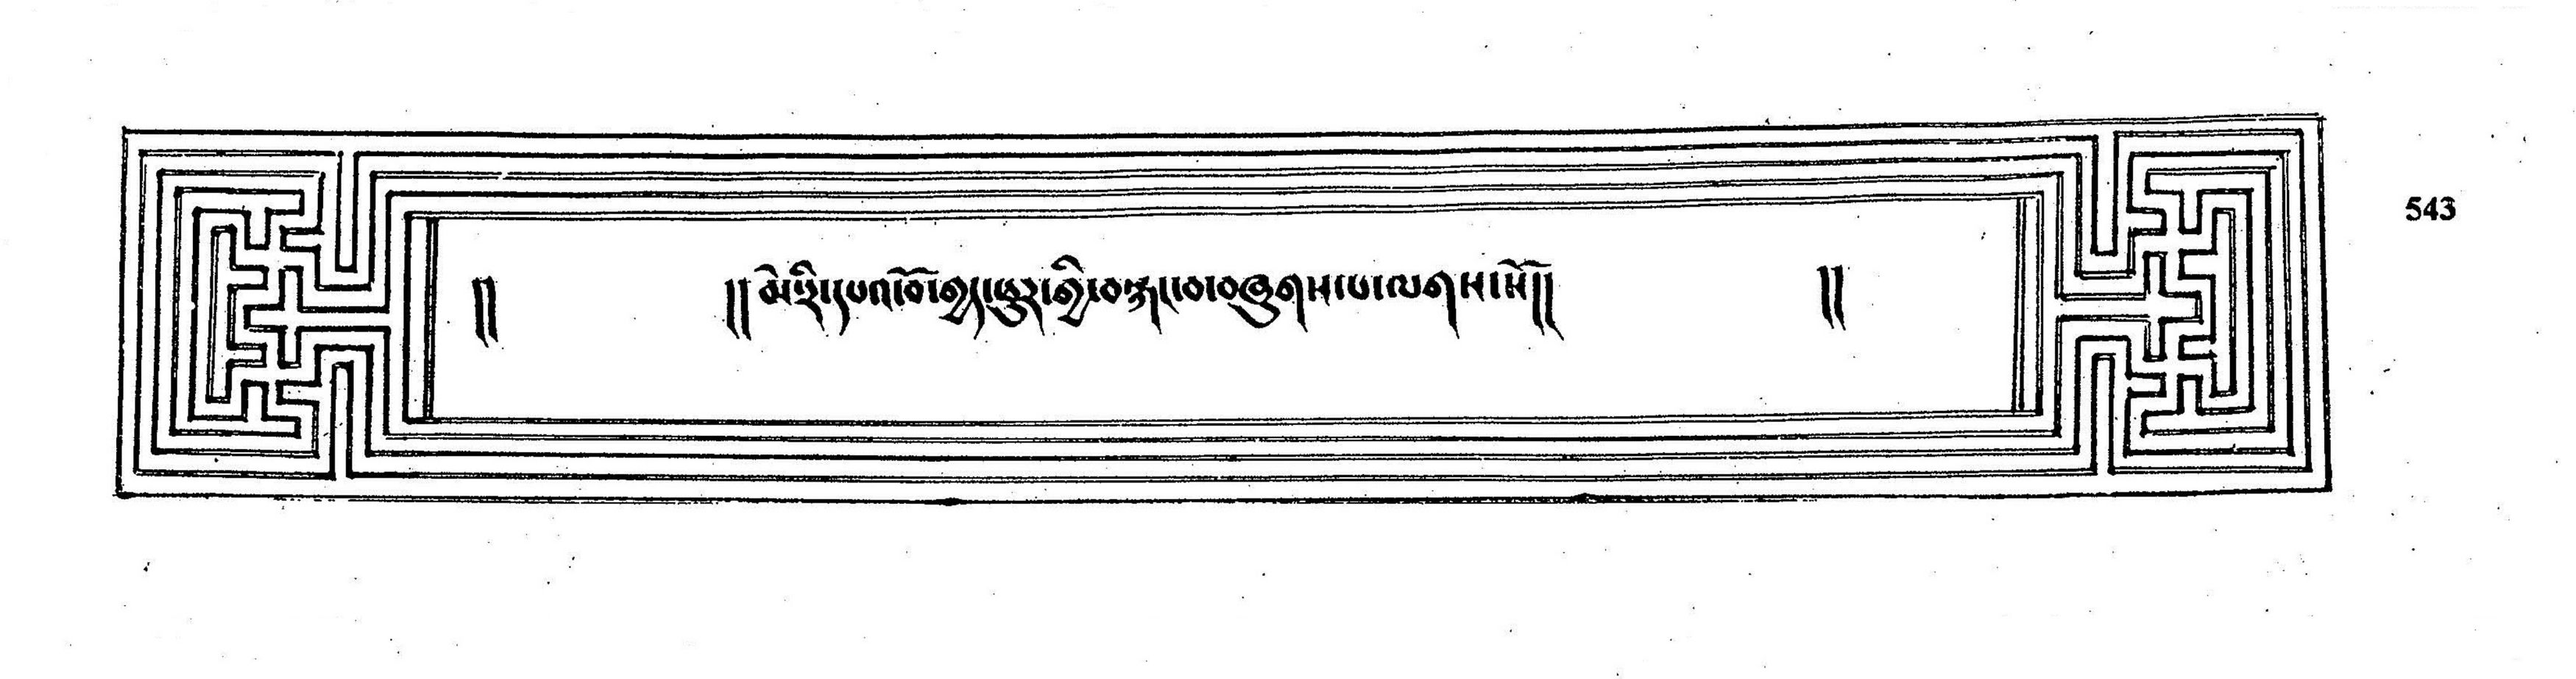།། །།མེ་རི་དཔའ་བོ་གྱད་ཕུར་གྱི་བསྐང་བ་བཞུགས་པ་ལགས་སོ།། །།